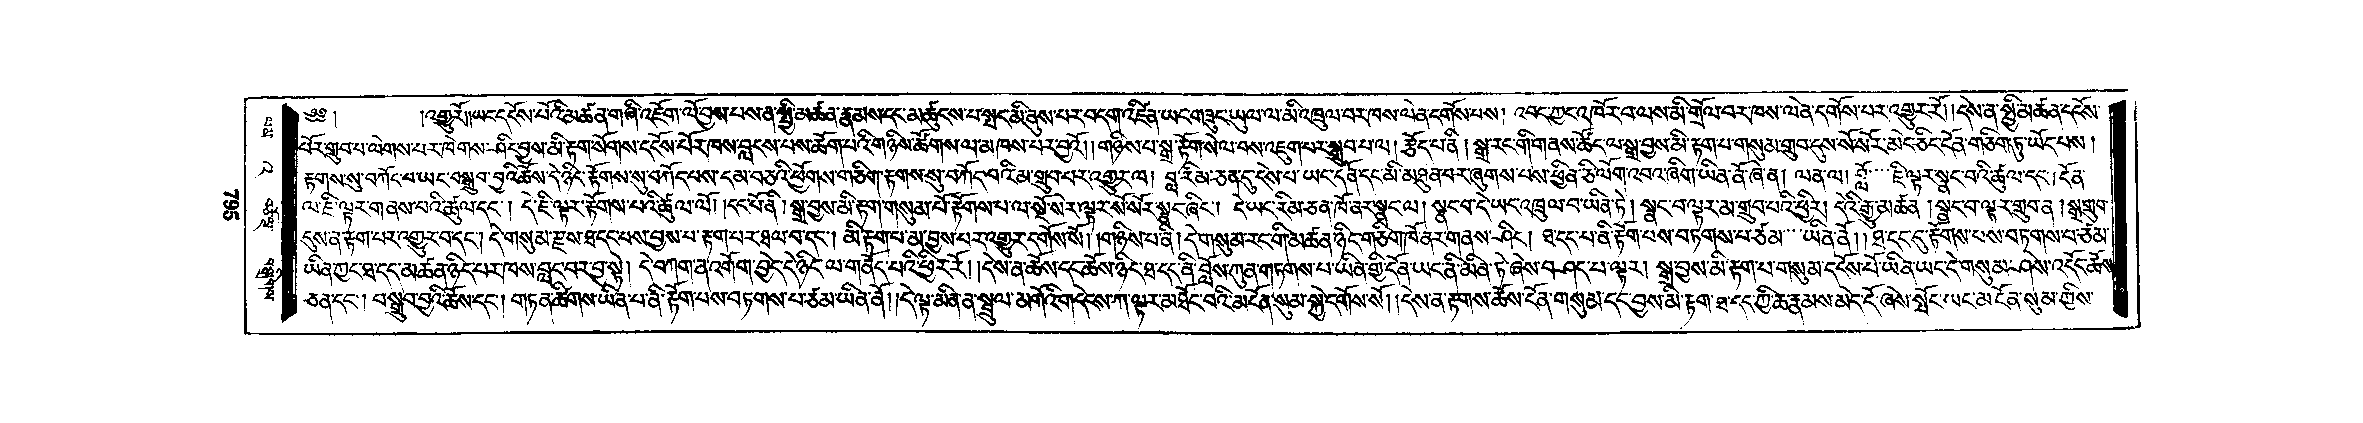༄༅། །འགྱུར་རོ། །ཡང་དངོས་པོའི་མཚན་གཞི་འཇོག་ལོ་བྱས་པས་ན་སྤྱི་མཚན་རྣམས་དང་མཚུངས་པ་སྤང་མི་ནུས་པར་བདག་འཛིན་ཡང་གཟུང་ཡུལ་ལ་མི་འཁྲུལ་བར་ཁས་ལེན་དགོས་པས། འབད་ཀྱང་འཁོར་བ་ལས་མི་གྲོལ་བར་ཁས་ལེན་དགོས་པར་འགྱུར་རོ། །དེས་ན་སྤྱི་མཚན་དངོས་
པོར་གྲུབ་པ་ལེགས་པར་ཁེགས་ཤིང་བྱས་མི་རྟག་སོགས་དངོས་པོར་ཁས་བླངས་པས་ཆོག་པའི་གཉིས་ཚོགས་ལ་མཁས་པར་བྱའོ། །གཉིས་པ་སྒྲ་རྟོག་སེལ་བས་འཇུག་པར་སྒྲུབ་པ་ལ། རྩོད་པ་ནི། སྒྲ་རང་གི་གནས་ཚོད་ལ་སྒྲ་བྱས་མི་རྟག་པ་གསུམ་གྲུབ་དུས་སོ་སོར་མེད་ཅིང་དོན་གཅིག་ཏུ་ཡོད་པས།
རྟགས་སུ་བཀོད་པ་ཡང་བསྒྲུབ་བྱའི་ཆོས་དེ་ཉིད་རྟོགས་སུ་བཀོད་པས་དམ་བཅའི་ཕྱོགས་གཅིག་རྟགས་སུ་བཀོད་པའི་མ་གྲུབ་པར་འགྱུར་ལ། བླ་རིམ་ཅན་དུ་ངེས་པ་ཡང་དོན་དང་མི་མཐུན་པར་ཞུགས་པས་ཕྱིན་ཅི་ལོག་འབའ་ཞིག་ཡིན་ནོ་ཞེ་ན། ལན་ལ། བློ་ཇི་ལྟར་སྣང་བའི་ཚུལ་དང་། དོན་
ལ་ཇི་ལྟར་གནས་པའི་ཚུལ་དང་། དེ་ཇི་ལྟར་རྟོགས་པའི་ཚུལ་ལོ། །དང་པོ་ནི། སྒྲ་བྱས་མི་རྟག་གསུམ་པོ་རྟོགས་པ་ལ་སྔོ་སེར་ལྟར་སོ་སོར་སྣང་ཞིང་། དེ་ཡང་རིམ་ཅན་ཁོ་ནར་སྣང་ལ། སྣང་བ་དེ་ཡང་འཁྲུལ་བ་ཡིན་ཏེ། སྣང་བ་ལྟར་མ་གྲུབ་པའི་ཕྱིར། དེའི་རྒྱུ་མཚན། སྣང་བ་ལྟར་གྲུབ་ན། སྒྲ་གྲུབ་
དུས་ན་རྟག་པར་འགྱུར་བ་དང་། དེ་གསུམ་རྫས་ཐ་དང་པས་བྱས་པ་རྟག་པར་ཐལ་བ་དང་། མི་རྟག་པ་མ་བྱས་པར་འགྱུར་དགོས་སོ། །གཉིས་པ་ནི། དེ་གསུམ་རང་གི་མཚན་ཉིད་གཅིག་ཁོ་ནར་གནས་ཤིང་། ཐ་དད་པ་ནི་རྟོག་པས་བཏགས་པ་ཙམ་ཡིན་ནོ། །ཐ་དད་དུ་རྟོགས་པས་བཏགས་པ་ཙམ་
ཡིན་ཀྱང་ཐ་དད་མཚན་ཉིད་པར་ཁས་བླང་བར་བྱ་སྟེ། དེ་བཀག་ན་འགོག་བྱེད་དེ་ཉིད་ལ་གནོད་པའི་ཕྱིར་རོ། །དེས་ན་ཆོས་དང་ཆོས་ཉིད་ཐ་དད་ནི་བློས་ཀུན་གཏགས་པ་ཡིན་གྱི་དོན་ཡང་ནི་མིན་ཏེ་ཞེས་བཤད་པ་ལྟར། སྒྲ་བྱས་མི་རྟག་པ་གསུམ་དངོས་པོ་ཡིན་ཡང་དེ་གསུམ་ཤེས་འདོད་ཆོས་
ཅན་དང་། བསྒྲུབ་བྱའི་ཆོས་དང་། གཏན་ཚིགས་ཡིན་པ་ནི་རྟོག་པས་བཏགས་པ་ཙམ་ཡིན་ནོ། །དེ་ལྟ་མིན་ན་སྦྲུལ་མགོའི་གདེངས་ཀ་ལྟར་མཐོང་བའི་མངོན་སུམ་སྐྱེ་དགོས་སོ། །དེས་ན་རྟགས་ཆོས་དོན་གསུམ་དང་བྱས་མི་རྟག་ཐ་དད་ཀྱི་ཆ་རྣམས་མེད་དོ་ཞེས་སྤོང་ཡང་མངོན་སུམ་ཀྱིས་